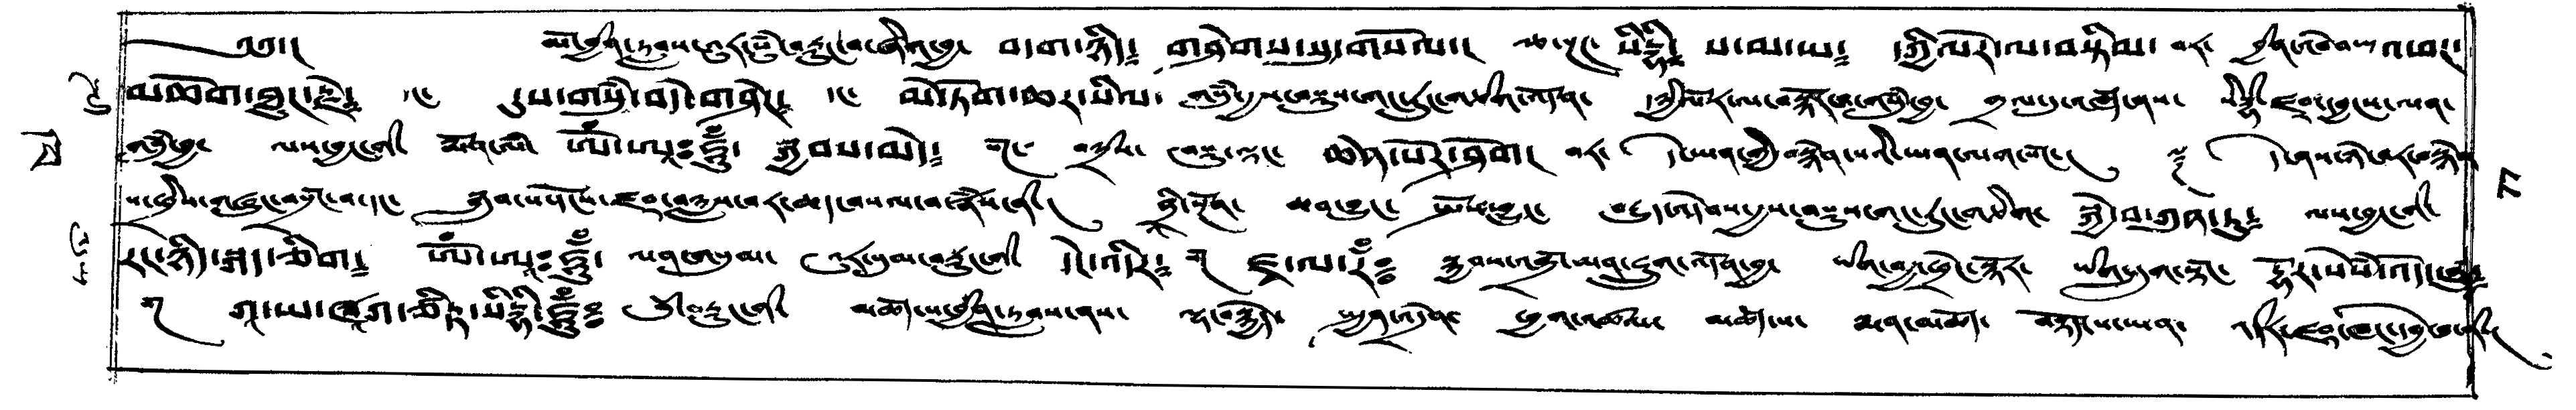མོ་བྱིན་བརླབས་འུར་སུམ་བརྡུང་བ་ཞིག་བྱ། བདག་ཉིད༴ གཤེགས་སུ་གསོལ། རྩ་སྔགས། སིདྡྷི༴ ས་མ་ཡ༴ དཀྱིལ་འཁོར་ལ་བསྟིམ་བར། བྱིན་འབེབས་འཕགས་
མཆོག་ཐུགས་རྗེ༴ དང་། དུས་གསུམ་བདེ་གཤེགས་དང་། མེ་ཏོག་ཆར་སིལ་གསུམ་རྒྱས་བསྡུས་གང་རུང་གཅིག་འདོན། དཀྱིལ་འཁོར་ལ་བསྐོར་བ་གསུམ་བྱ། གྲལ་དུ་འཁོད་ནས། སིདྡྷི་ཛབ་དབྱངས་ལན་
གསུམ་བྱ། ལས་བྱང་གི་སྨོན་ལམ། ཨོཾ་ཨཱཿཧཱུྃ། སྐྱབས་མེད༴ སོགས་བཀྲ་ཤིས། བསྡུ་ལྡང་། ཆེན་པོར་ཤོག་བར། དེ་ཡན་གྱི་བསྙེན་པའི་ཡན་ལག་སོང་། ༈ དེ་ནས་ཉེ་བར་བསྙེན་
པ་ཕྲིན་ལས་ཀྱི་གཞུང་བསྲོང་བ་དང་། སྒྲུབ་པ་དངོས་ཛབ་བཟླས་བར་ཆད་བསལ་བ་རྣམས་ནི། ཧྲཱིཿསྔོན་ཆབ་ཐུགས། སྤོས་ཕྱུང་། བརྒྱུད་འདེབས་རྒྱས་བསྡུས་གང་རུང་གཅིག སྐྱེ་བ་ཀུན་ཏུ༴ ལས་བྱང་གི་
རང་ཉིད་སྐད་ཅིག༴ ཨོཾ་ཨཱཿཧཱུྃཿ ལན་གསུམ། འུར་སུམ་བརྡུང་གིས། དེང་འདིར༴ སོགས། ཛྭ་ལ་རྃ༔ སྐྱབས་འགྲོ་མན་ཧྲུག་འདོན་བྱ། ཡིག་བརྒྱ་ཕྲེང་བསྐོར། ཡིག་དྲུག་སྟོང་། རྡོར་སེམས་འོད་ཞུ༴ 
སོགས། ཀཱ་ཡ་ཝཱཀ་ཙིཏྟ་སིདྡྷི་ཧཱུྃཿ སུམ་བརྡུང་གིས། མཆོད་པ་བྱིན་རླབས་ནས། ལྷ་བརྐྱེད། སྤྱན་འདྲེན། ཕྱག་འཚལ། མཆོད་པ། སྨན་མཆོད། བསྟོད་པ་ཡན། འདིར་ཛབ་ཁང་དབྱེ་བ་ནི།